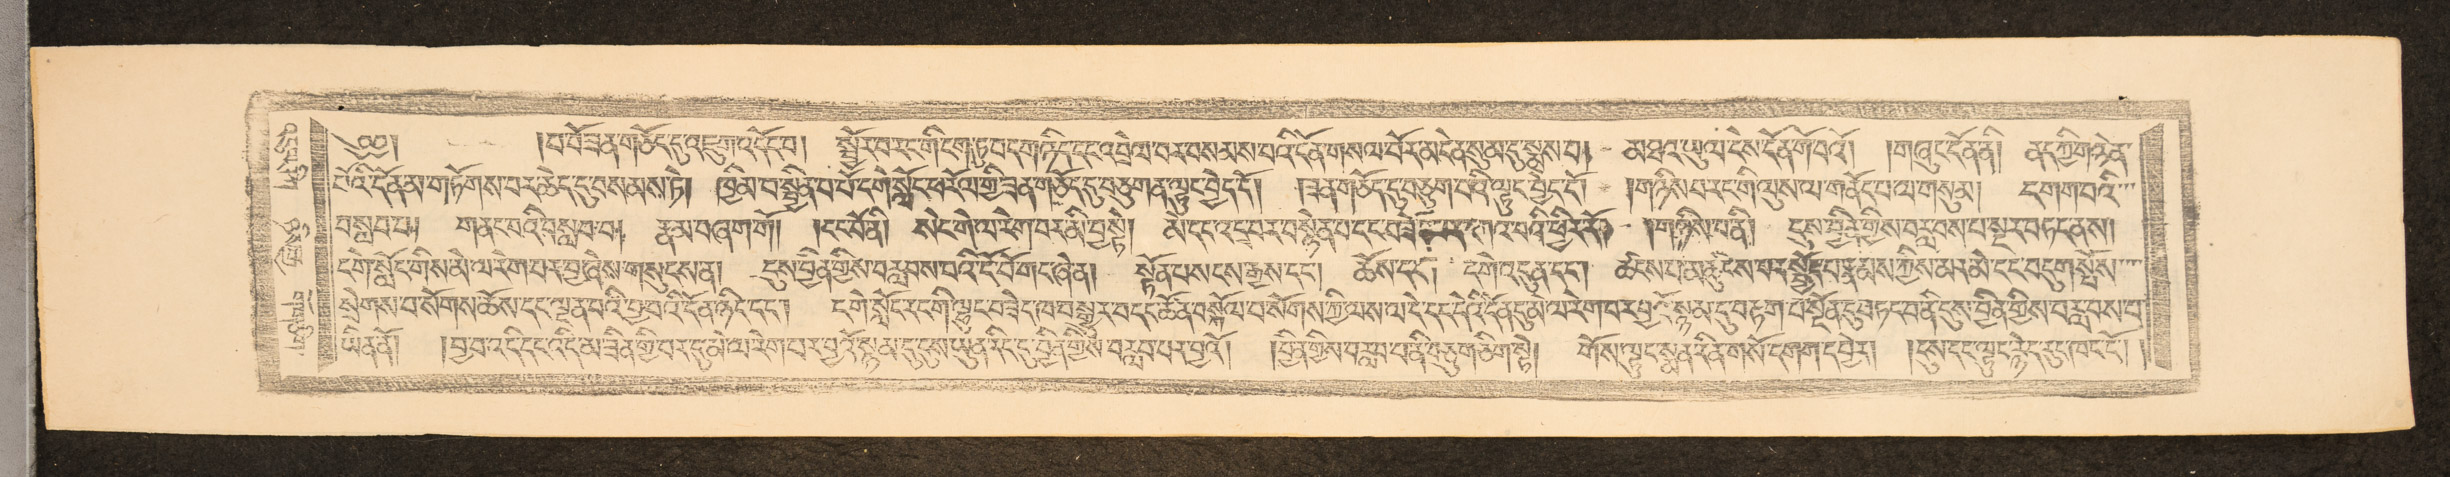༄༅། །པ་པོ་ཟན་གཅོད་དུ་འཇུག་འདོད་པ། སྦྱོར་བ་རང་གི་ངག་ཏུ་བདག་ཉིད་དང་འབྲེལ་བར་བསམས་པའི་དོན་གསལ་པོར་མངོན་སུམ་དུ་སྨྲས་པ། མཐའ་ཡུལ་དེས་དོན་གོ་བའོ། །གཞུང་དོན་ནི། ནད་ཀྱི་གཉེན་
པོའི་དོན་མ་གཏོགས་པར་ཆེར་དུ་བསམས་ཏེ། ཁྱིམ་པ་སྦྱིན་པ་པོ་དགེ་སློང་ཕ་རོལ་གྱི་ཟན་གཅོད་དུ་བཅུག་ན་ལྟུང་བྱེད་དོ། །ཟན་གཅོད་དུ་བཅུག་པའི་ལྟུང་བྱེད་དོ། །གཉིས་པ་རང་གི་ལུས་ལ་གནོད་པ་ལ་གསུམ། དགག་པའི་
བསླབ་པ། གནང་བའི་བསླབ་པ། རྣམ་བཞག་གོ། །དང་པོ་ནི། སེང་གེ་ལ་རེག་པར་མི་བྱ་སྟེ། མེ་དང་འདྲ་བར་བསྙེན་པ་དང་བཟོད་པར་དཀའ་བའི་ཕྱིར་རོ། །གཉིས་པ་ནི། དུས་བྱིན་གྱིས་བརླབས་པ་སྔར་བཏང་ནས།
དགེ་སློང་གིས་མེ་ལ་རེག་པར་བྱ་ཞེས་གསུངས་ན། དུས་བྱིན་གྱིས་བརླབས་པའི་ངོ་བོ་གང་ཞེ་ན། སྟོན་པ་སངས་རྒྱས་དང་། ཆོས་དང་། དགེ་འདུན་དང་། ཚངས་པ་མཚུངས་པར་སྤྱོད་པ་རྣམས་ཀྱིས་མར་མེ་དང་བདུག་སྤོས་
སྲེགས་པ་སོགས་ཆོས་དང་ལྡན་པའི་བྱ་བའི་དོན་ཉིད་དང་། དགེ་སློང་རང་གི་ལྷུང་བཟེད་ཁ་བསྒྱུར་བ་དང་ཚོན་བསྐོལ་བ་སོགས་ཀྱི་ལས་ལ་དེ་དང་དེའི་དོན་དུ་མེལ་རེག་པར་བྱའོ་སྙམ་དུ་བརྟག་པ་སྔོན་དུ་བཏང་བ་ནི་དུས་བྱིན་གྱིས་བརླབས་པ་
ཡིན་ནོ། །བྱ་བ་འདི་དང་འདི་མ་ཟིན་གྱི་བར་དུ་མེ་ལ་རེག་པར་བྱའོ་སྙམ་དུ་དུས་ཡུན་རིང་དུ་བྱིན་གྱིས་བརླབ་པར་བྱའོ། །བྱིན་གྱིས་བརླབ་པ་ནི་བཅུ་གཅིག་སྟེ། གོས་ལྟུང་སྨན་རིན་གསོ་དགག་དབྱེར། །དུས་དང་ལྟུང་རྙེད་རུང་ཁང་ངོ། །